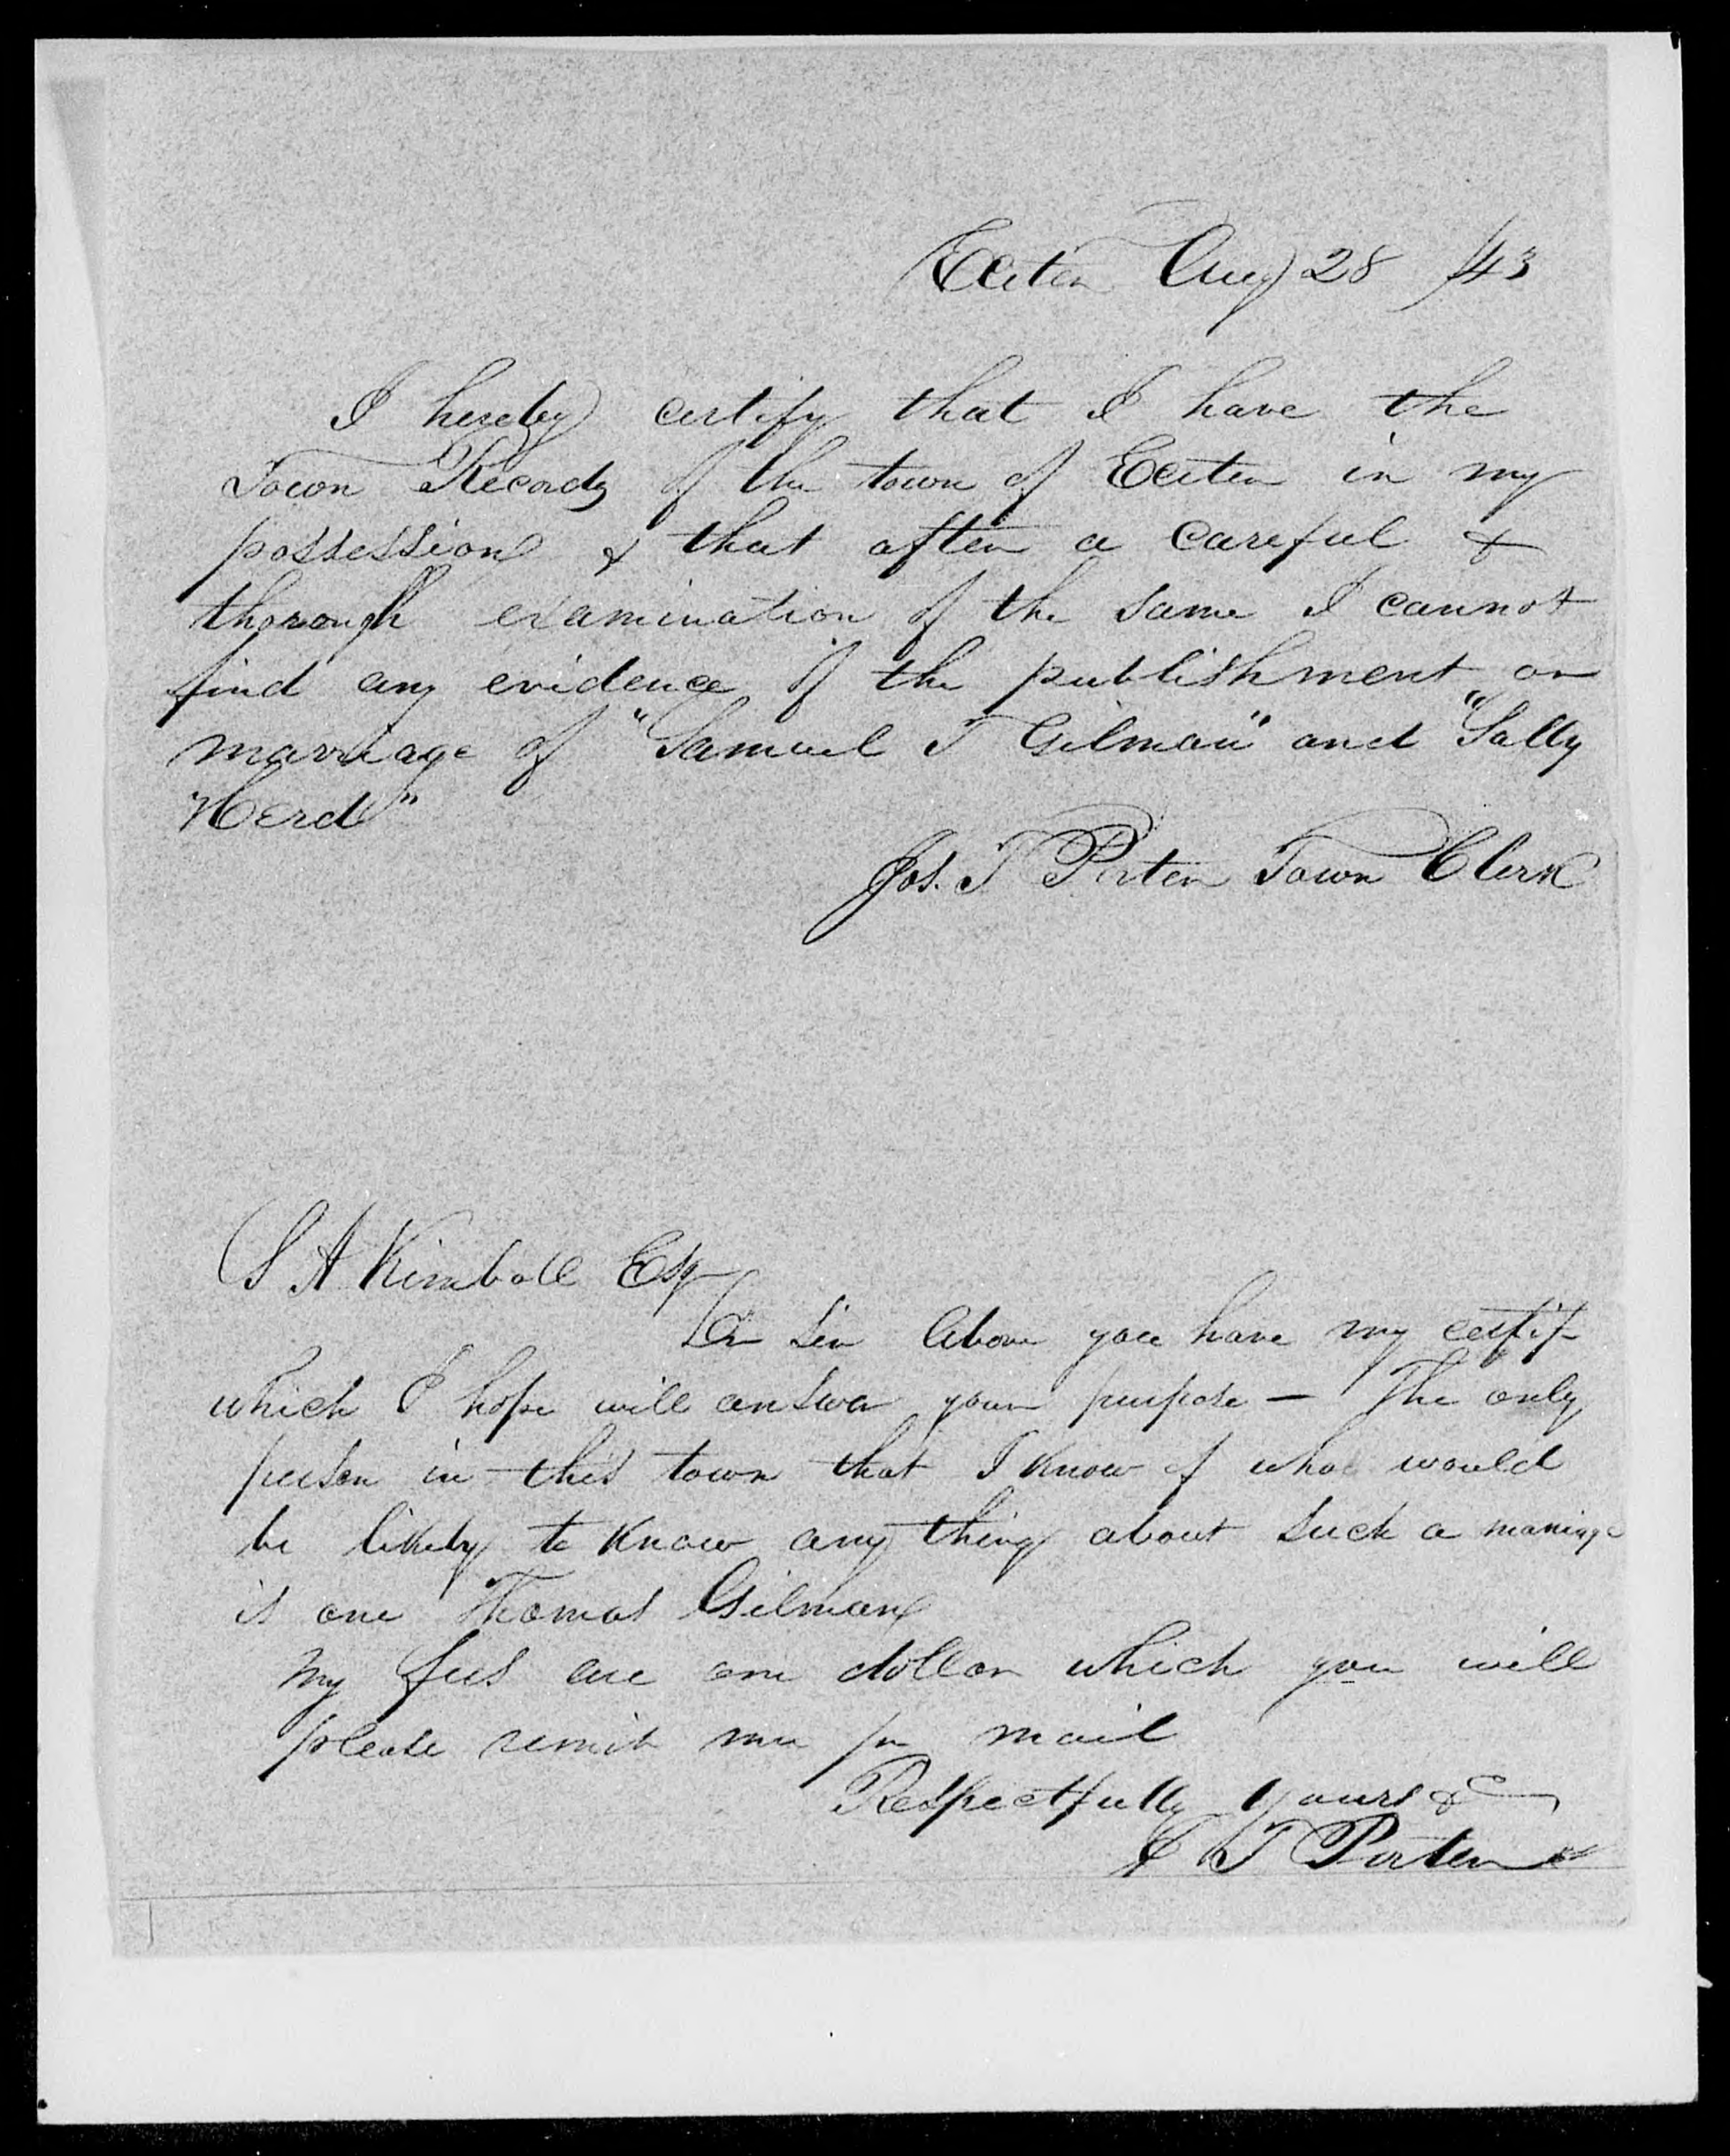Exeter Aug 28 '43

I hereby certify that I have the Town Records of the town of Exeter in my possession & that after a careful & thorough examination of the same I cannot find any evidence of the publishment or marriage of "Samuel T Gilman" and "Sally Herd"
Jos. T. Porter Town Clerk

S. A. Kimball Esq
Dear Sir Above you have my certif which I hope will answer your purpose - The only person in this town that I know of who would be likely to know any thing about such a marriage is one Thomas Gilman
My fees are one dollar which you will please remit me for mail.
Respectfully yours &c
J. T. Porter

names: Jos T Porter, Sally Herd, J T Porter, S A Kimball, Samuel T Gilman, Thomas Gilman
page: 57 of 61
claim: widow's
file: W. 19500, Samuel Thing Gilman, Continental N.H.